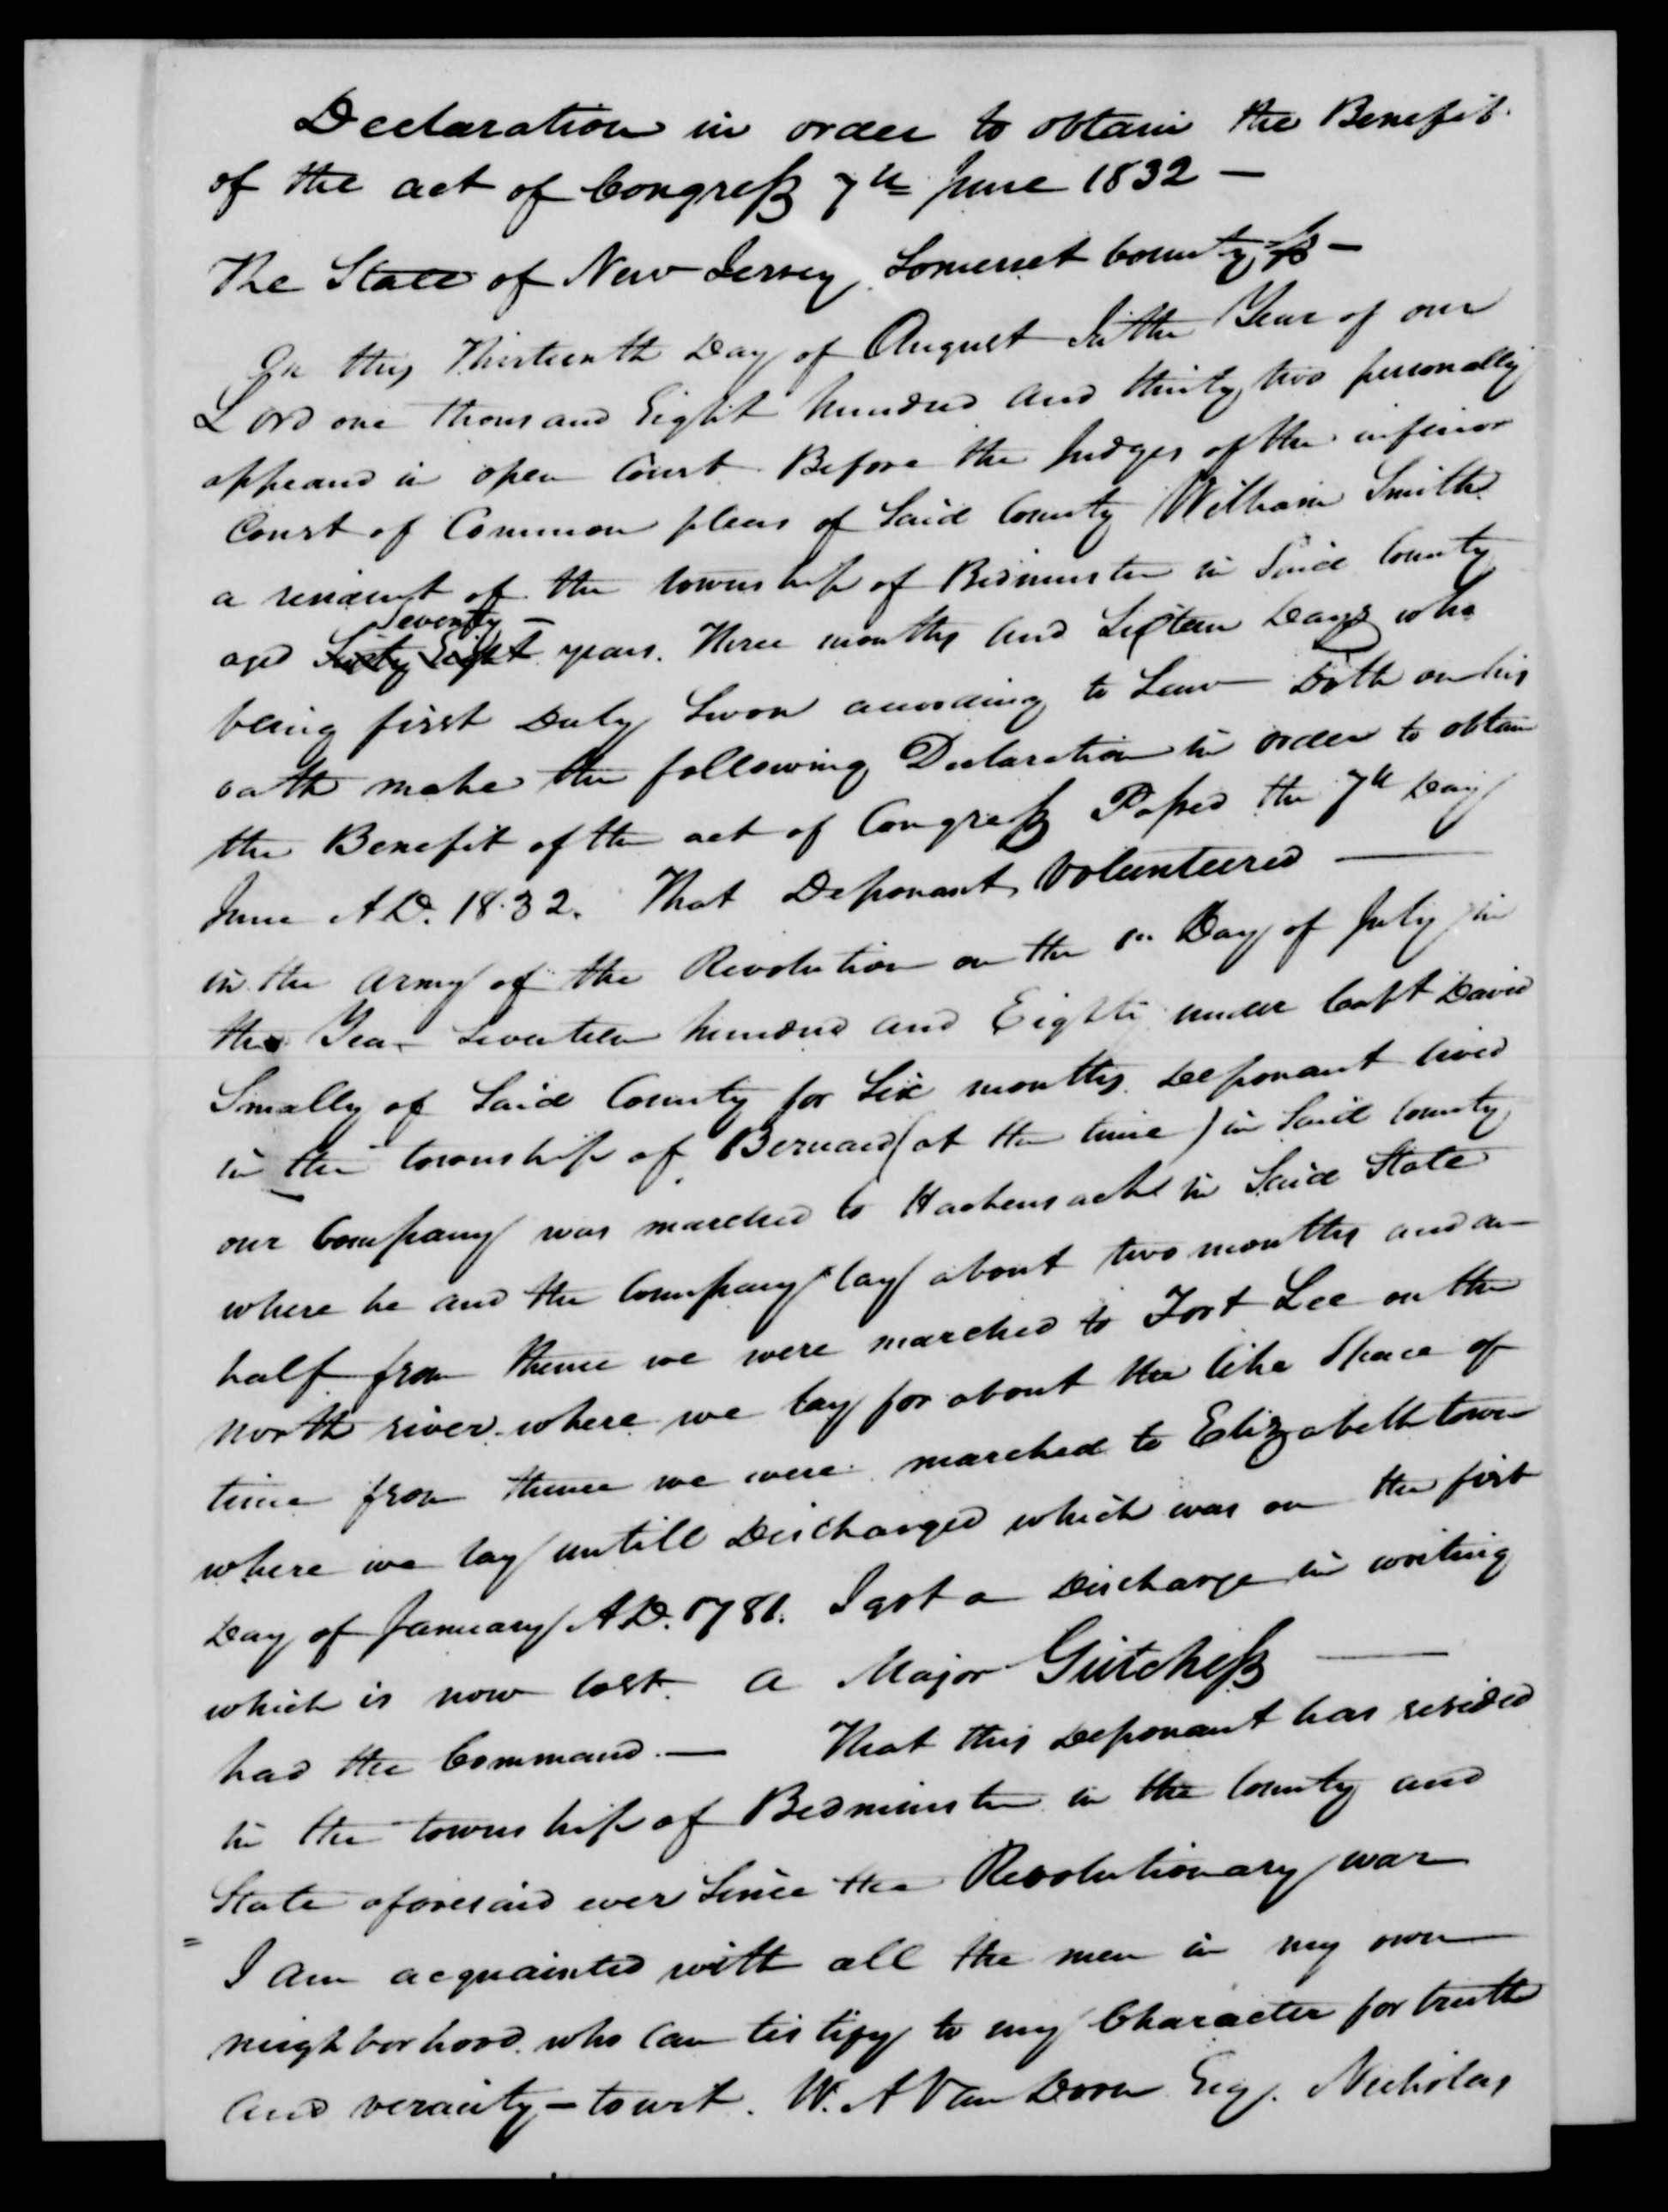Declaration in order to obtain the benefit of the act of Congress 7th June 1832-

The State of New Jersey Somerset County SS-
On this thirteenth Day of August in the year of our Lord one thousand Eight hundred and thirty two personally appeared in open Court before the Judges of the inferior Court of Common pleas of said County William Smith a resident of the township of Bedminster in said County
aged ['sixty eight' crossed out] seventy years. Three months and fifteen days who being first duly sworn according to Law doth on his
oath make the following Declaration in order to obtain the Benefit of the act of Congress passed the 7th Day June A.D. 1832. That Deponant volunteered----- in the army of the Revolution on the 1st day of July in the year Seventeen hundred and Eighty under Capt David Smalley of said County for six months. Deponent lived in the township of Bernard at the time in said County our company was marched to Hackensack in Said State where he and the Company lay about two months and and a half from thence we were marched to Fort Lee on the North river where we lay for about the like space of time from thence we were marched to Elizabeth town where we lay until discharged which was on the first
Day of January A.D. 1781.  I got a Discharge in writing which is now lost. a Major Gutchess had
the command.-  That this deponent has resided
in the township of Bedminster in the County and
State aforesaid ever since the Revolutionary war
I am acquainted with all the men in my own
neighborhood who can testify to my character for truth and veracity - to wit. W. A. Van Dorn Esq. Nicholas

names: Nicholas [BLANK]; [BLANK] Gutchess; W A Van Dorn; David Smally; William Smith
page: 8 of 27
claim: survivor's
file: S. 915, for William Smith, New Jersey